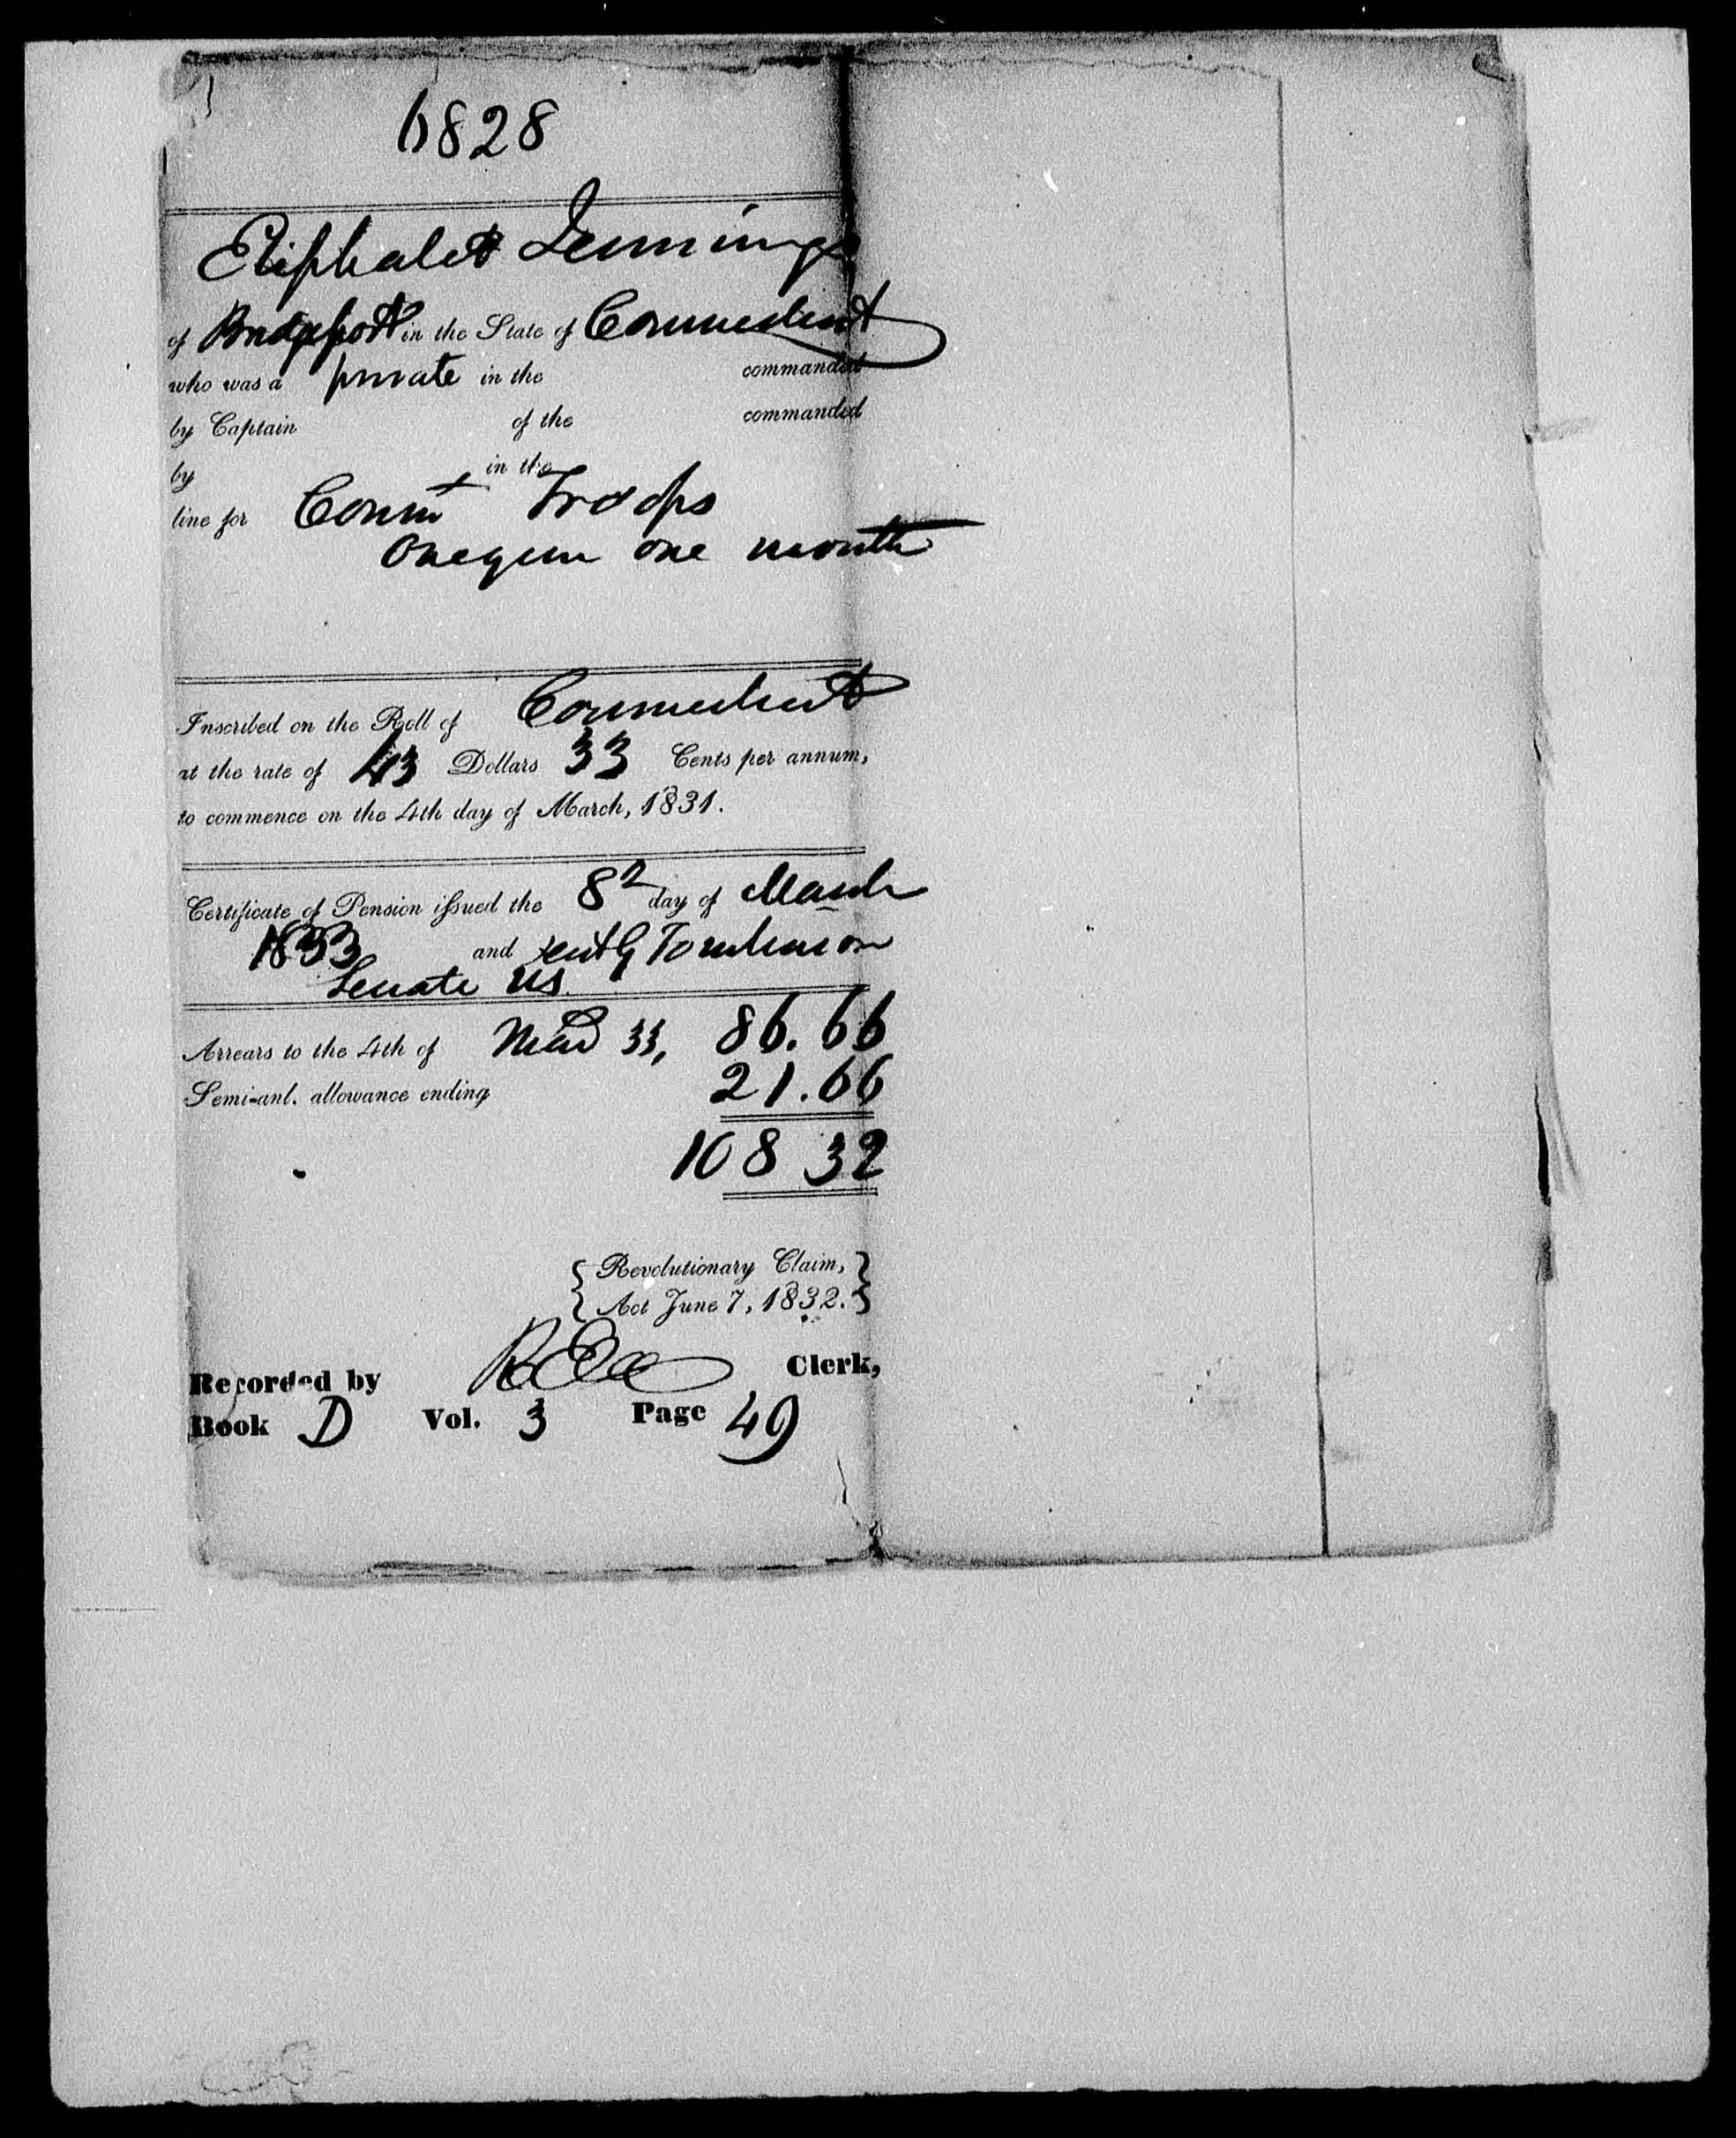6828
Eliphalet Jennings of Bridgeport in the State of Connecticut who was a private in the [blank] 
commanded by Captain [blank] of the [blank] 
commanded by [blank] in the line for 
Connt [Connecticut] Troops One year one month
______________________________________
Inscribed on the Roll of Connecticut at the rate of 43 Dollars 33 Cents per annum, to commence on the 4th day of March, 1831.
_______________________________________
Certificate of Pension issued the 8th day of March 1833 and sent to [illegible] on [illegible] US.
_______________________________________
Arrears to the 4th of Mar [March] 33,  86.66 
Semi-anl [Semi-annual] allowance ending [blank]  
21.66
______________
108.32
______________

[begin brace] Revolutionary Claim, Act June 7, 1832. [end brace]
Recorded by [illegible] Clerk, 
Book D    Vol. 3    Page 49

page: 2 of 10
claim: survivor's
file: S. 18468, for Eliphalet Jennings, Connecticut